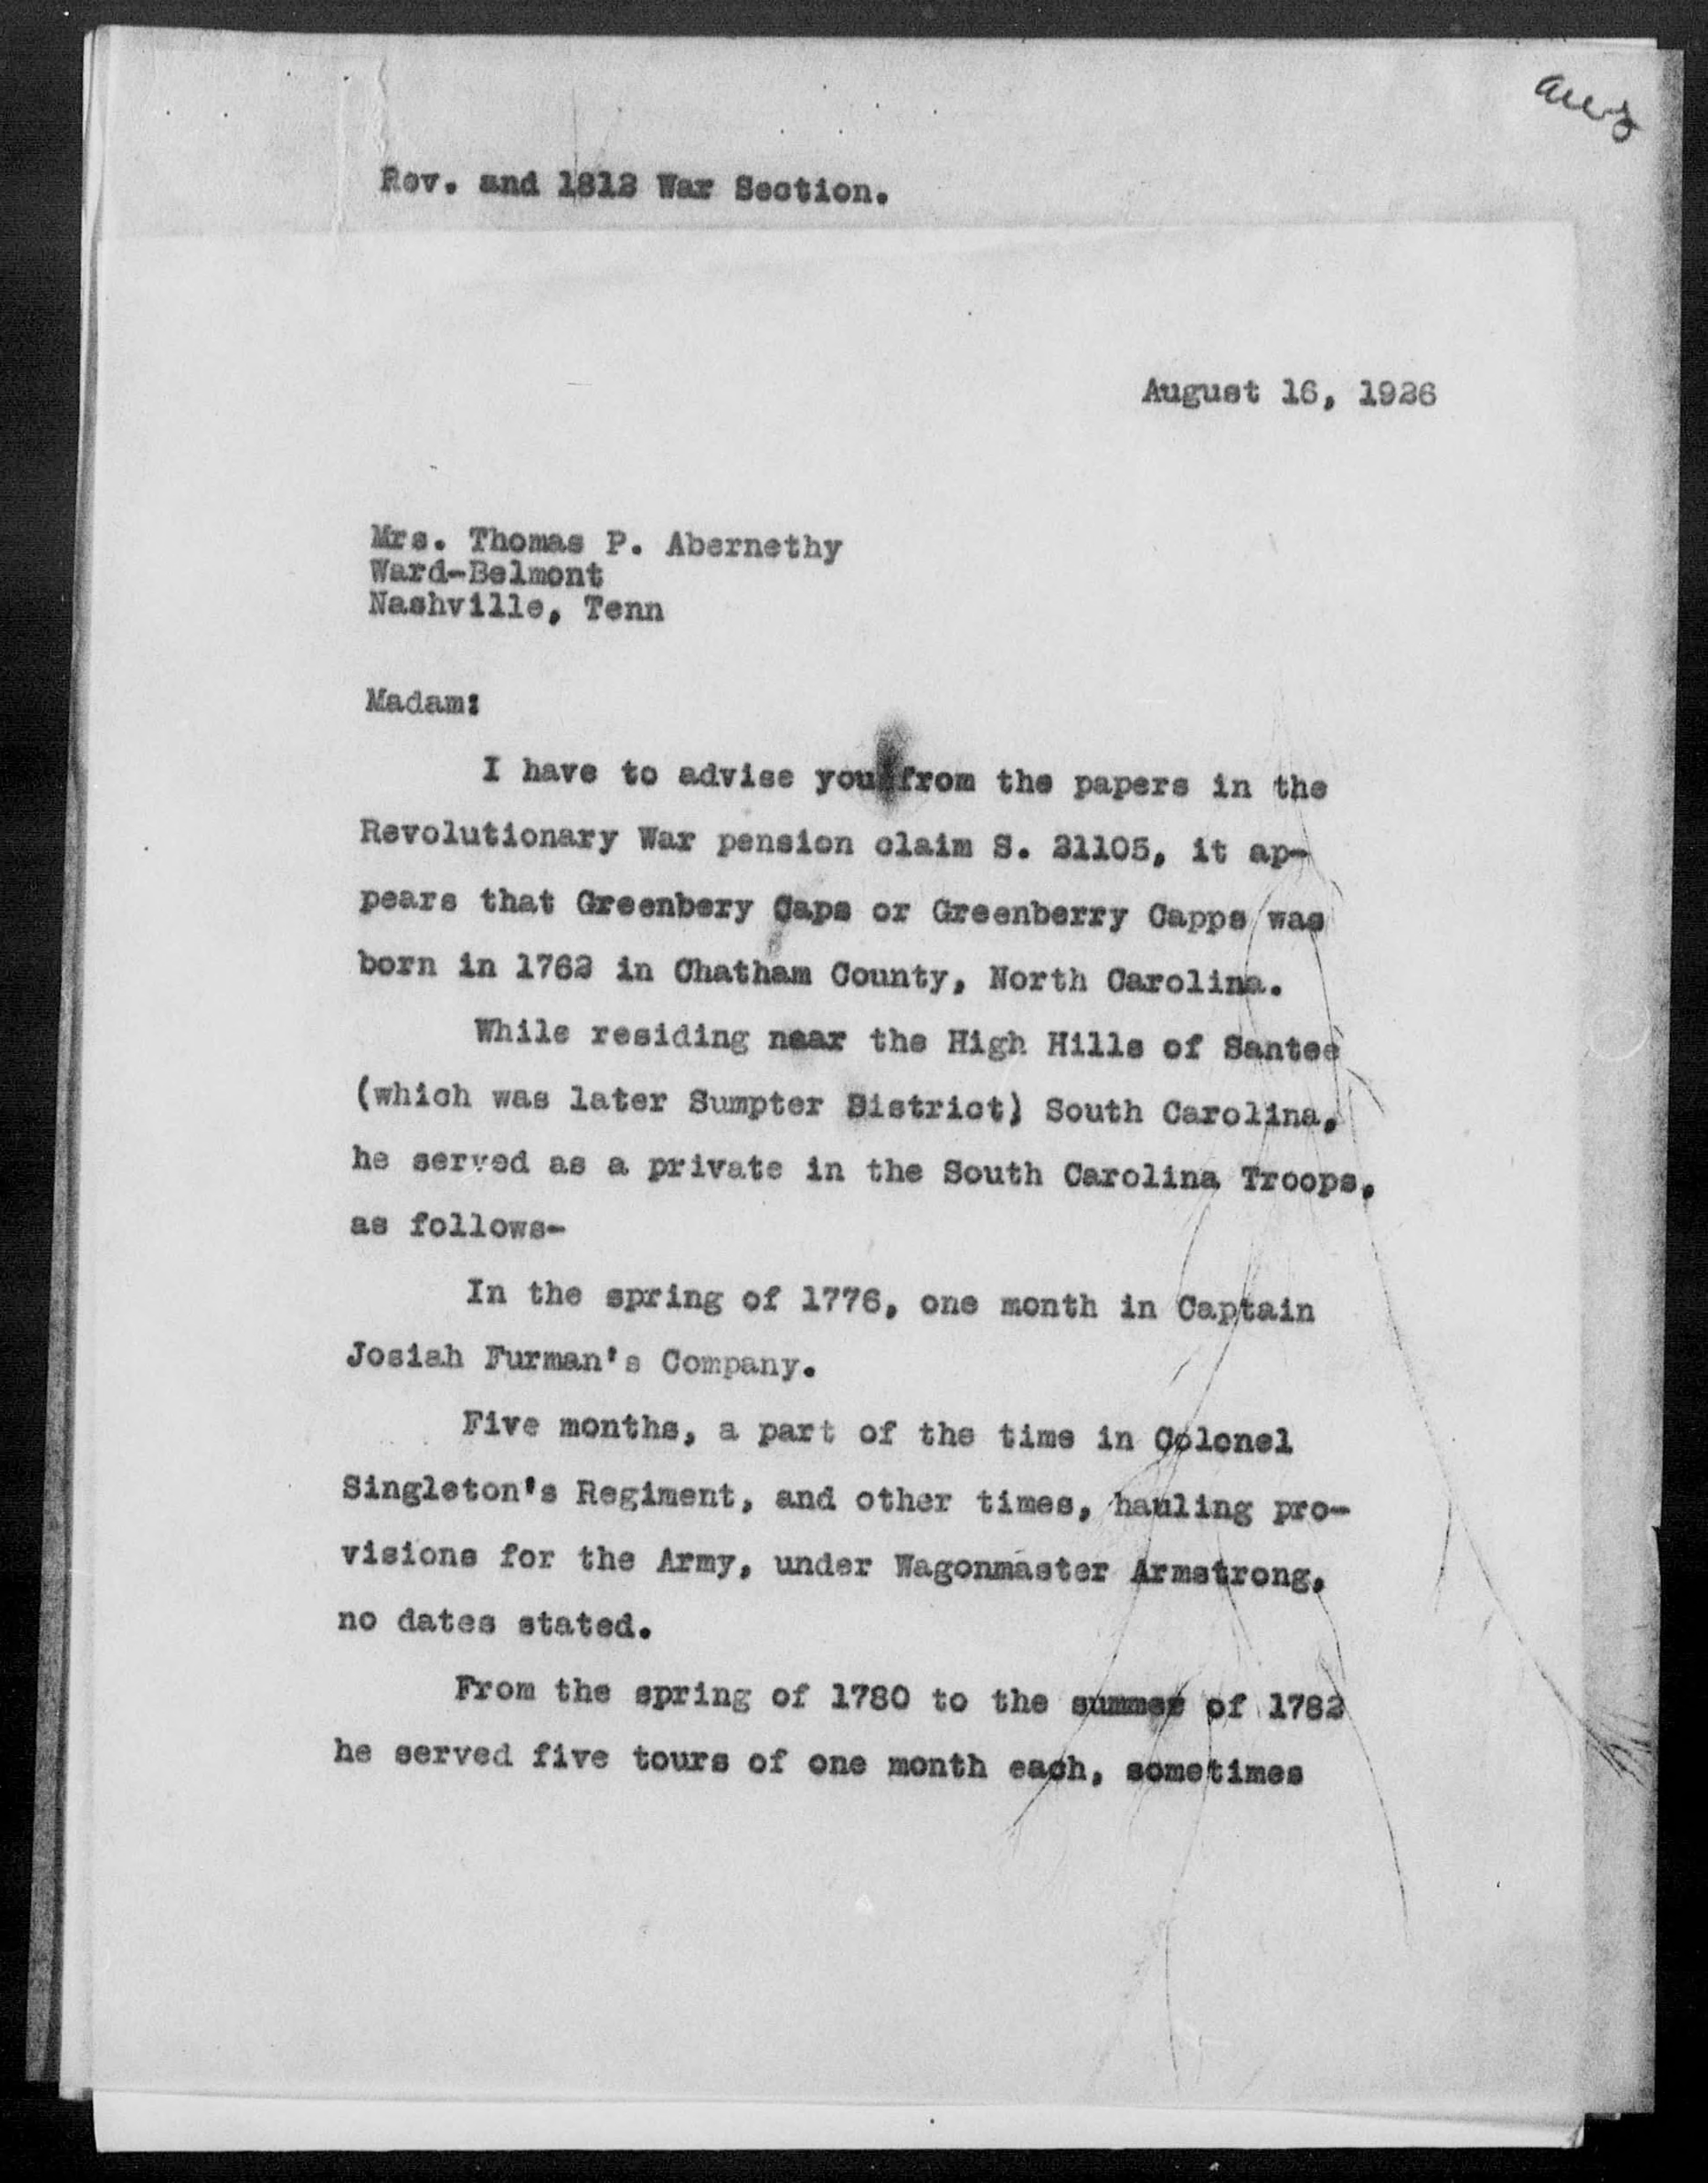Rev. and 1812 Was Section

august 16, 1926

Mrs. Thomas P. Abernathy
Ward-Belmont
Nashville, Tennessee

Madam:

I have to advise you from the papers in the Revolutionary War pension claim S 21105, it appears that Greenbery Caps or Greenberry Capps was born in 1762 in Chatham county, North Carolina.

While residing near the High Hills of Santee (which was later Sumpter District) South Carolina, he served as a private in the south Carolina Troops as follows-

In the spring of 1776, one month in Captain Josiah Furman's Company.

Five months, a part of the time in Colonel singleton's Regiment, and other times, hauling previsions for the Army, under Wagonmaster Armstrong, no dates stated.

From the spring of 1780 to the summer of 1782 he served five tours of one month each, sometimes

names: Greenberry Capps, Greenbery Caps, Thomas P Abernethy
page: 22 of 26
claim: survivor's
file: S. 21105, Greenbery Caps, S.C.